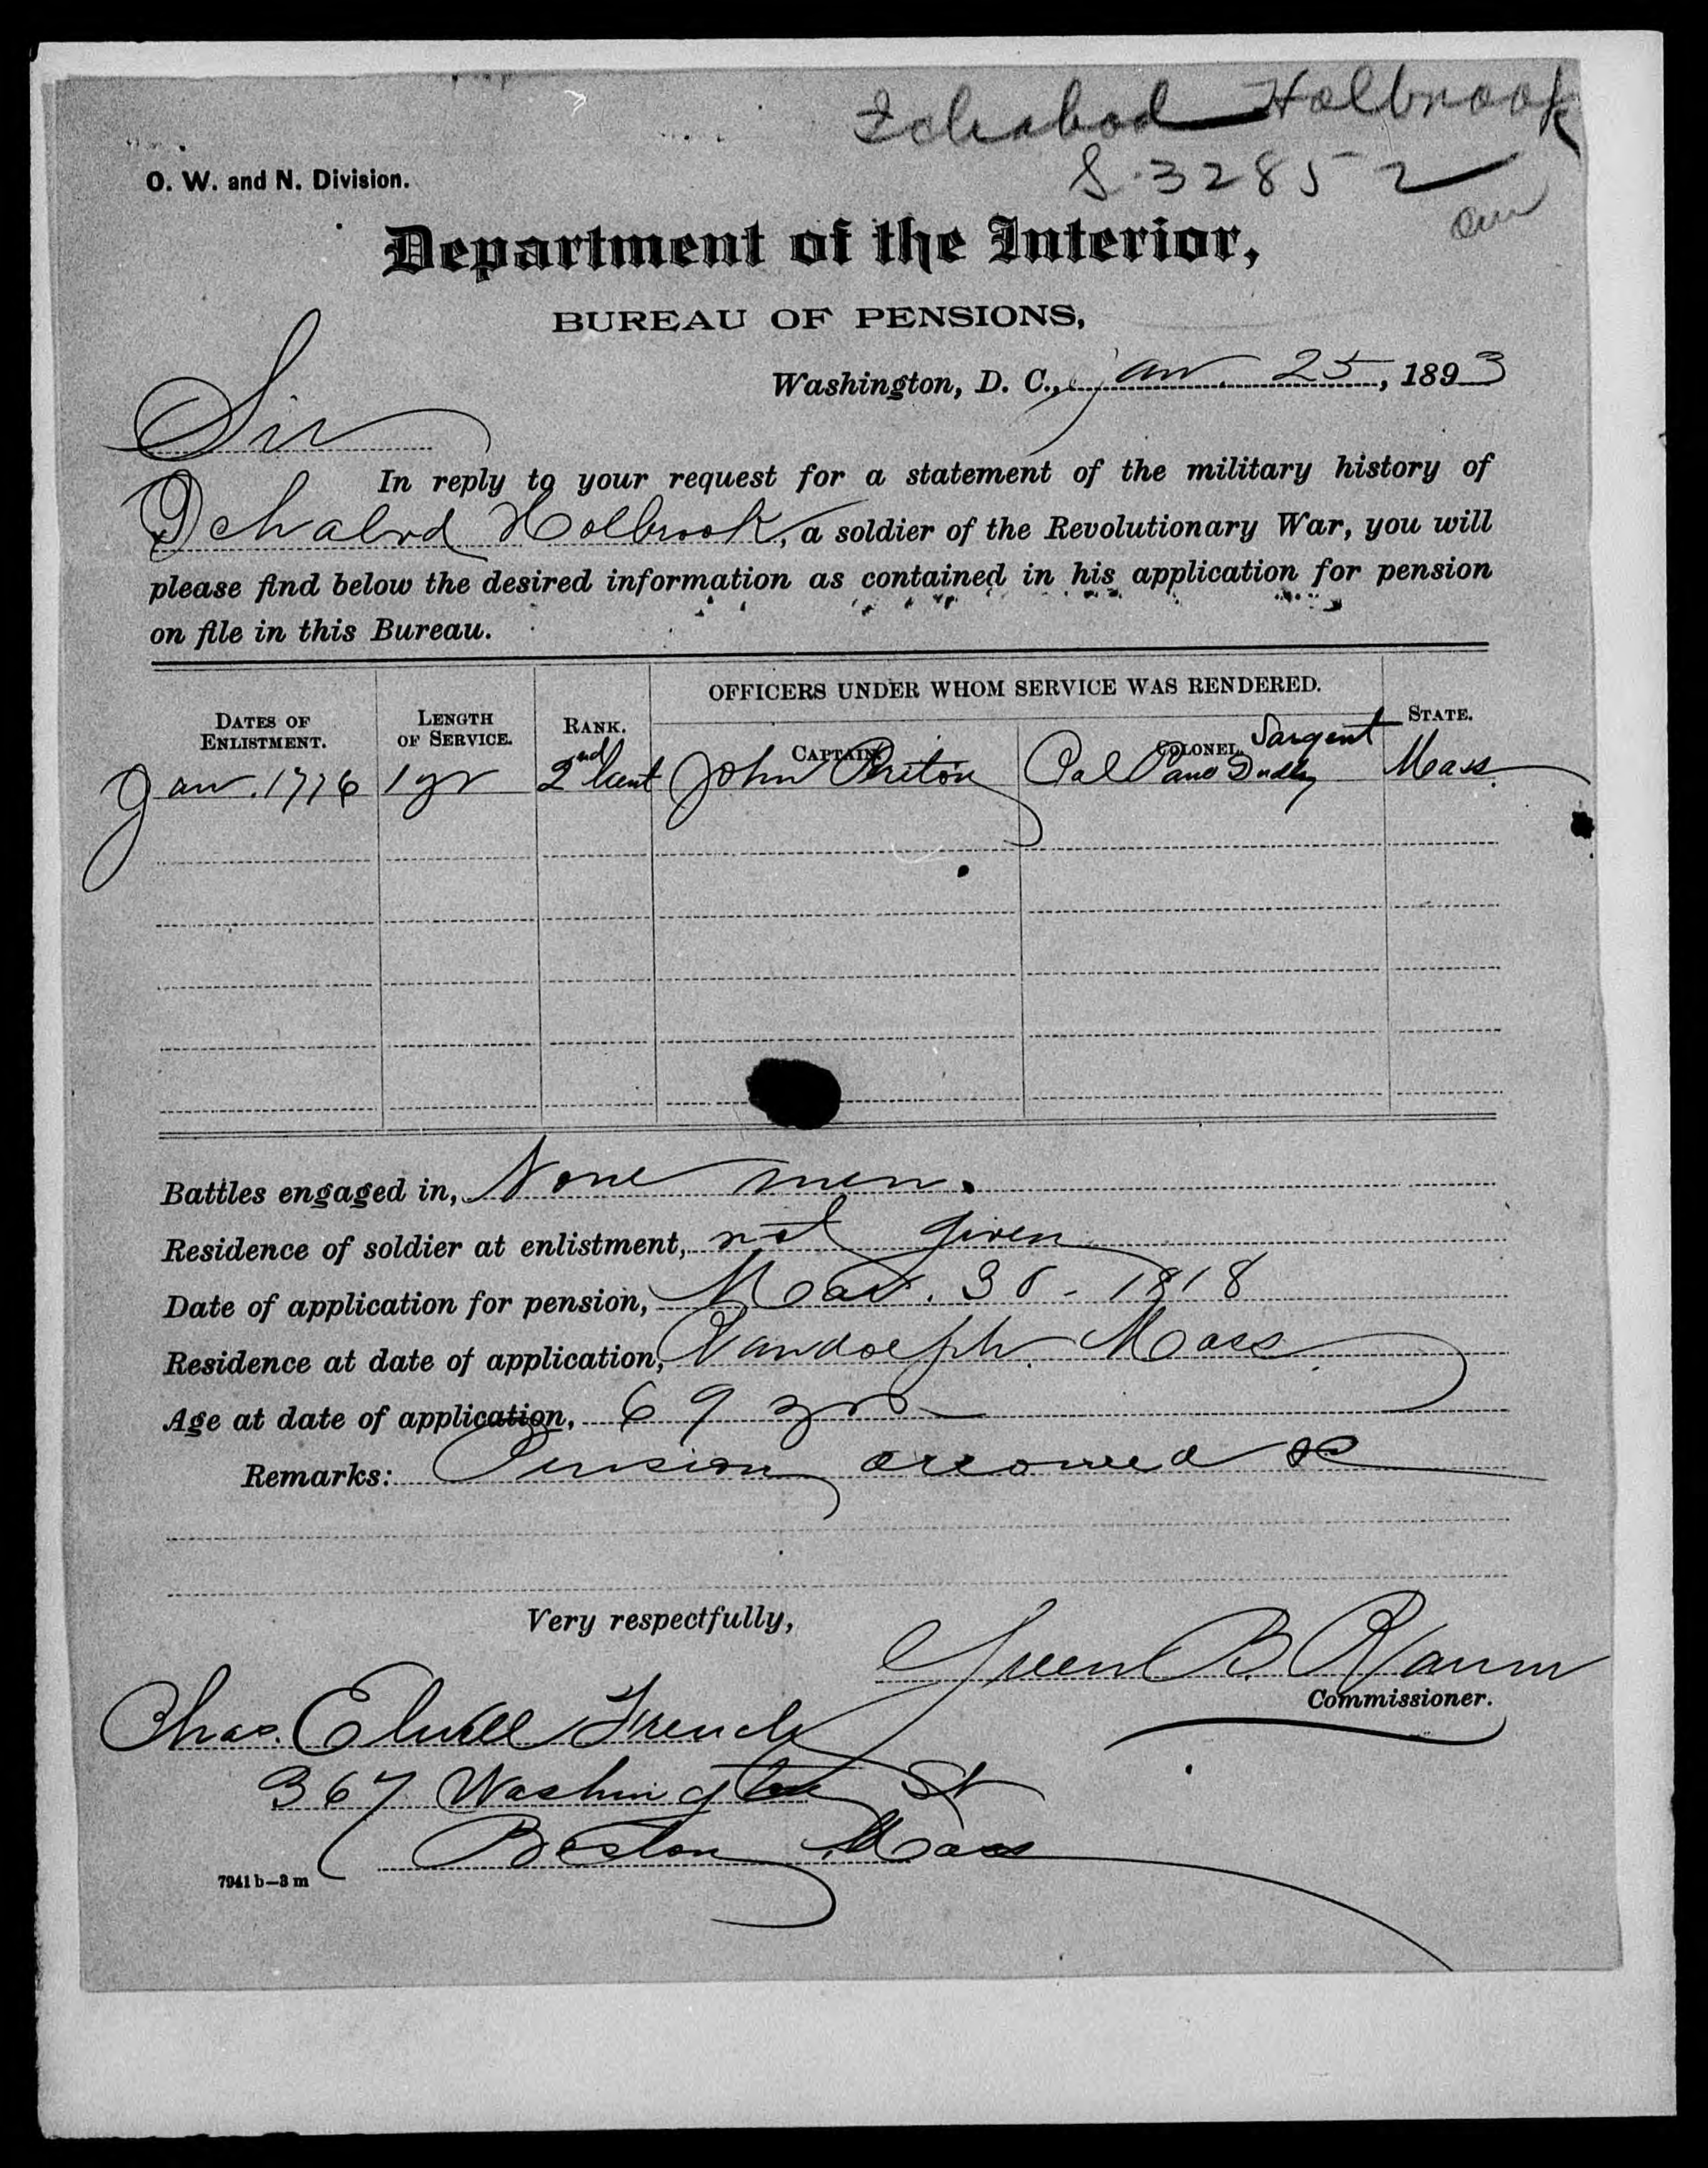Ichabod Holbrook
S 32852 [illegible]

O. W. and N. Division.

Department of the Interior,
BUREAU OF PENSIONS,
Washington, D. C. Jan 25, 1893

Sir,

In reply to your request for a statement of the military history of Ichabod Holbrook, a soldier of the Revolutionary War, you will please find below the desired information as contained in his application for pension on file in this Bureau.

[table]
DATES OF ENLISTMENT. | LENGTH OF SERVICE. | RANK. | OFFICERS UNDER WHOM SERVICE WAS RENDERED. || CAPTAIN | COLONEL || STATE.

Jan. 1776 | 1 yr | 2nd lieut | || John [Priton?] | [Pal P?] and Dudley Sargent || | Mass.

Battles engaged in, None men.
Residence of soldier at enlistment, not given
Date of application for pension, Mar. 30, 1818
Residence at date of application, Randolph Mass
Age at date of application, 69 yrs_

Remarks: Pension allowed &c

Very respectfully,

[Green?] B. Raum
Commissioner.

Chas. Elwell French
367 Washington St
Boston Mass
7941–3m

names: Ichabod Holbrook, Green B Raum, Ichabod Holbrook, John Peritore, Chas Elwell French, Paul Dudley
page: 12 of 15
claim: survivor's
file: S. 32,852, Ichabod Holbrook, Continental Mass.